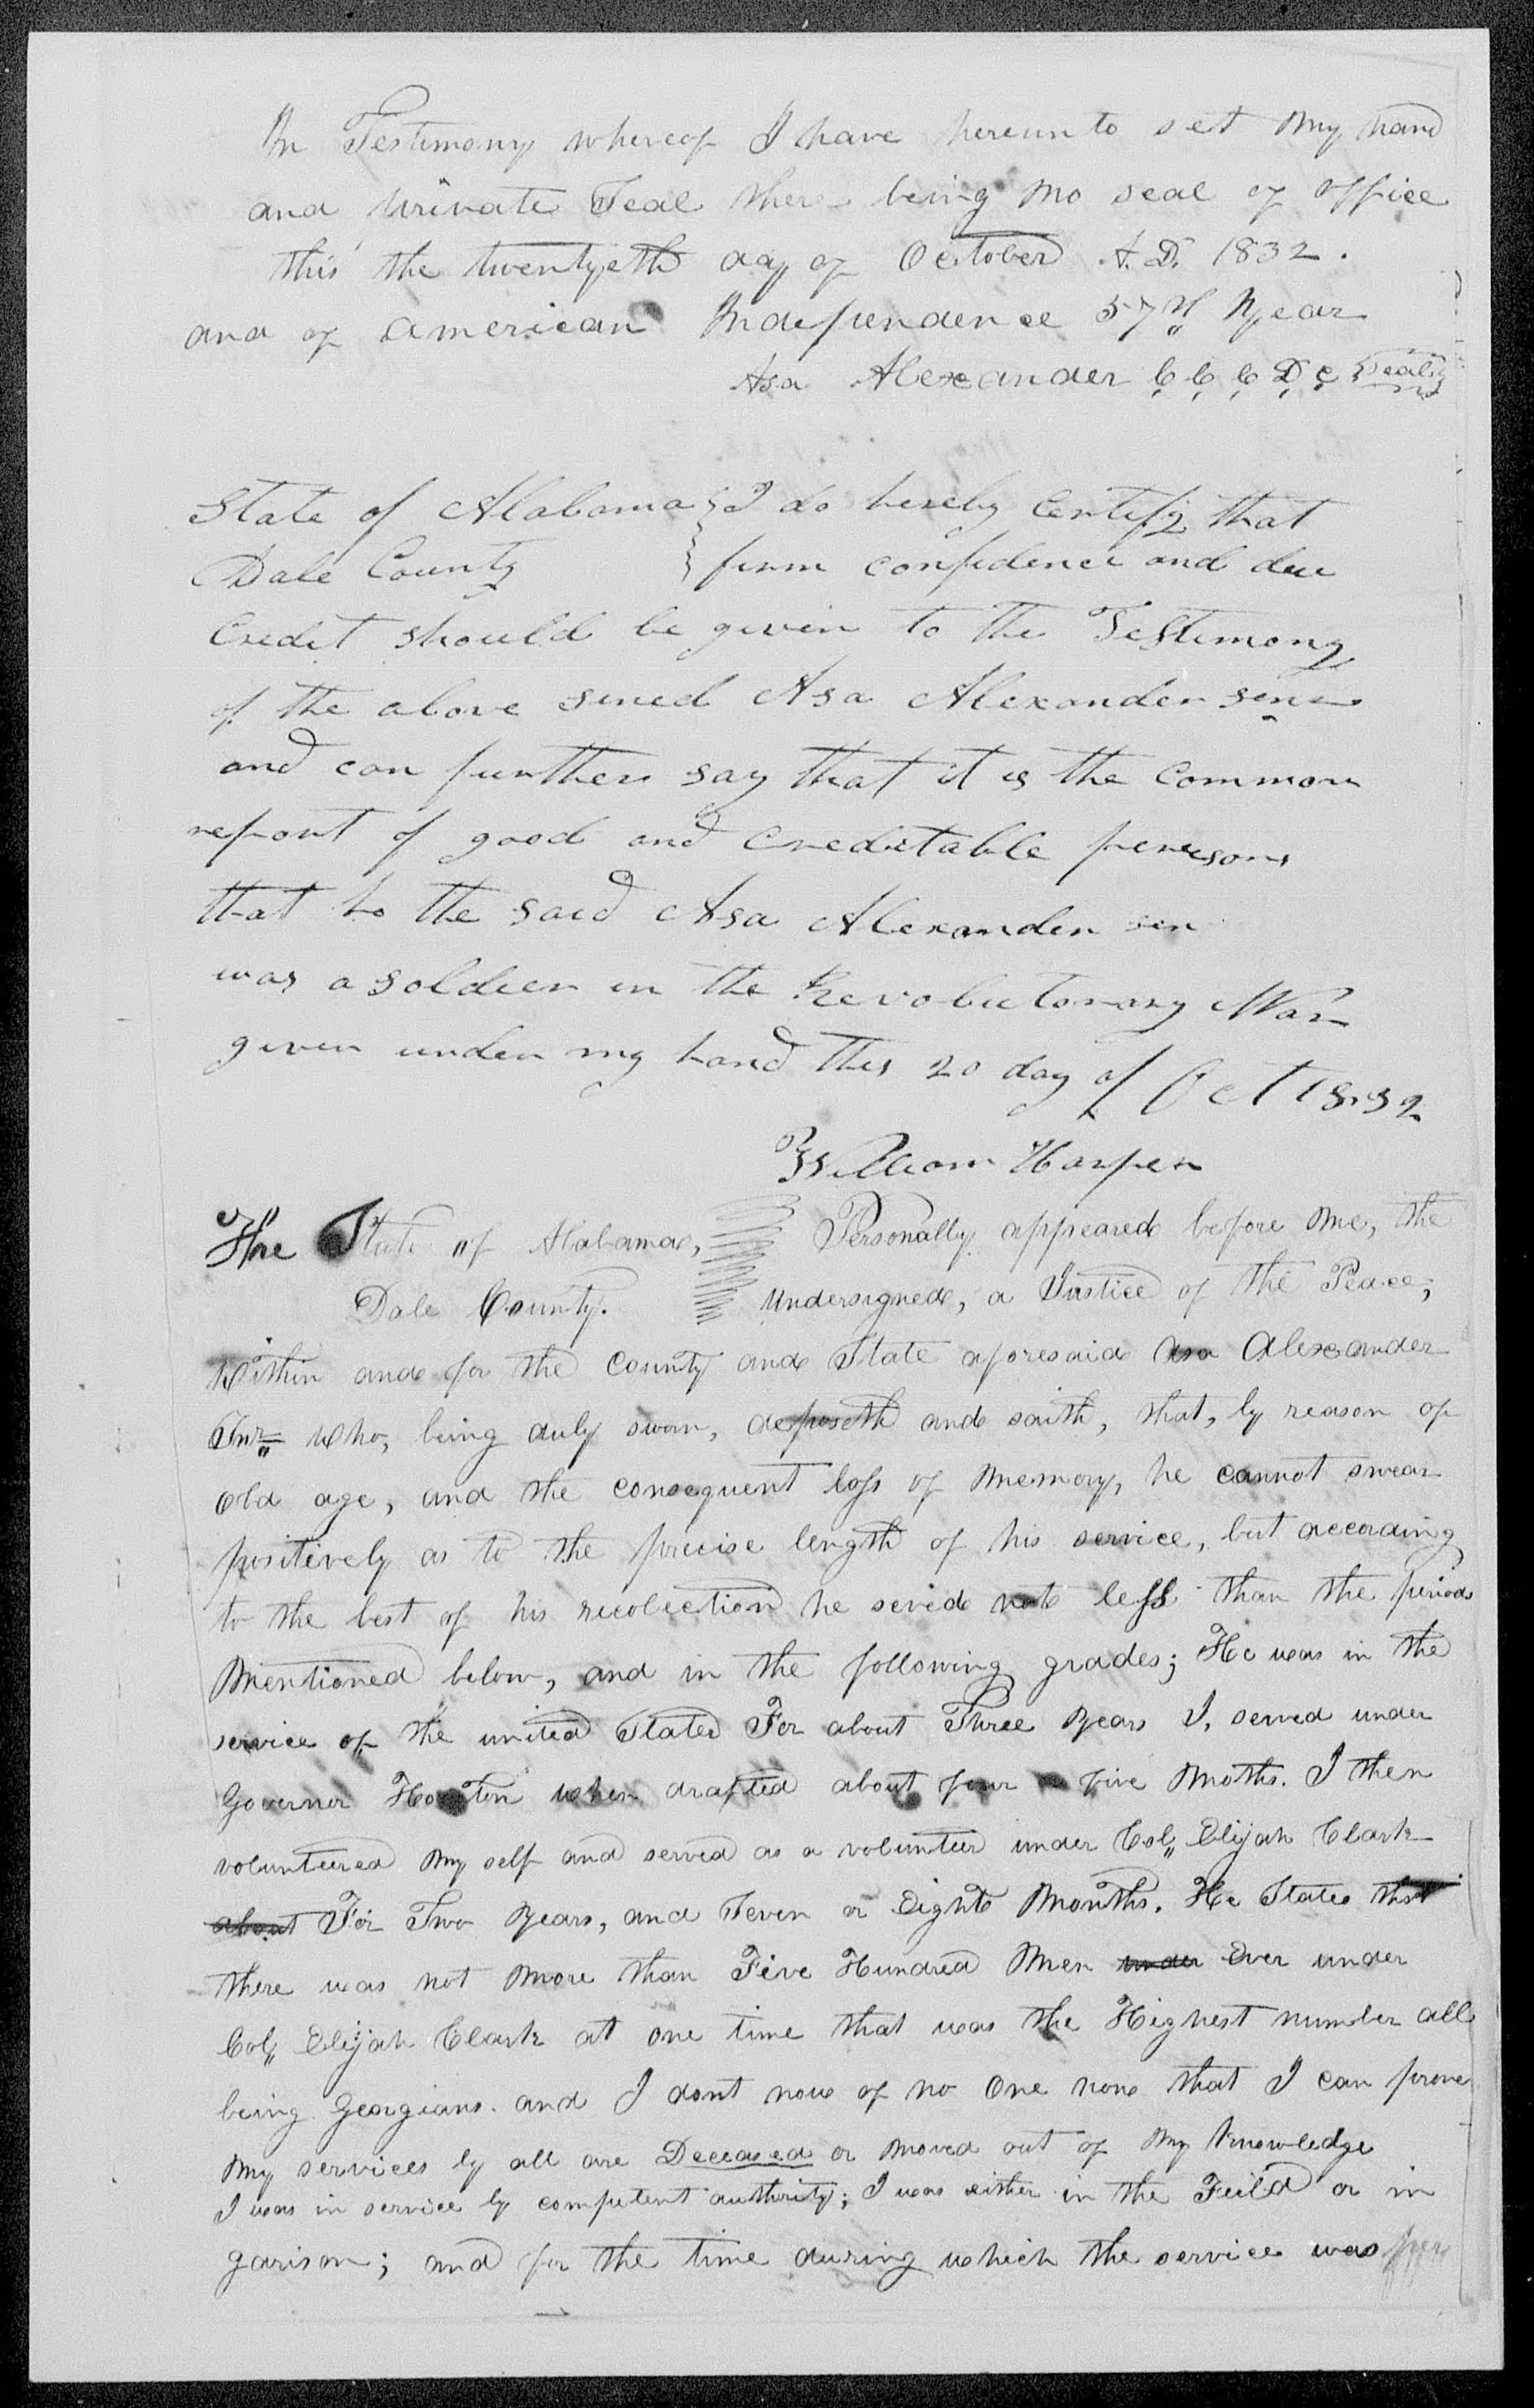In testimony where I have sworn to and set my hand and private seal there being no seal of office this the twentyeth day of October A.D. 1832 and of American Independence 57th year. Asa Alexander CCCDC
State of Alabama
Dale County
I do hereby certify that from confidence and due credit should be given to the testimony of the above named Asa Alexander Senior and can further say that it is the common report of good and credible persons that he the said Asa Alexander Sen was a soldier in the Revolutionary War given under my hand this 20 day of Oct. 1832
[signature] William Harper
The State of Alabama
Dale County
Personally appeared before me, the undersigned, a Justice of the Peace, within and for the county and State aforesaid Asa Alexander Snr, who being duly sworn deposeth and saith, that by reason of old age, and the consequent loss of memory, he cannot swear positively as to the precise length of his service but according to the best of his recollection he served not less than the period mentioned below and in the following grades; He was in the service of the United States for about three years. I served under Governor Houston when drafted about four or five months. I then volunteered my self and served as a volunteer under Col. Elijah Clark [about crossed out] for two years and seven or eight months.  He states that there was not more than Five Hundred Men ever under Col. Elijah Clark at one time that was the highest number all being Georgians and I don't [k]now of no one man that I can prove my services [illegible] all are Deceased or moved out of my knowledge. I was in service by competent authority. I was either in the Field or in garrison; and for the time during which the service was pers-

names: Asa Alexander, Asa Alexander, Asa Alexander, Elijah Clark, Elijah Clark, Asa Alexander, William Harper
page: 6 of 35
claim: survivor's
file: S. 32092, Asa Alexander, Ga.